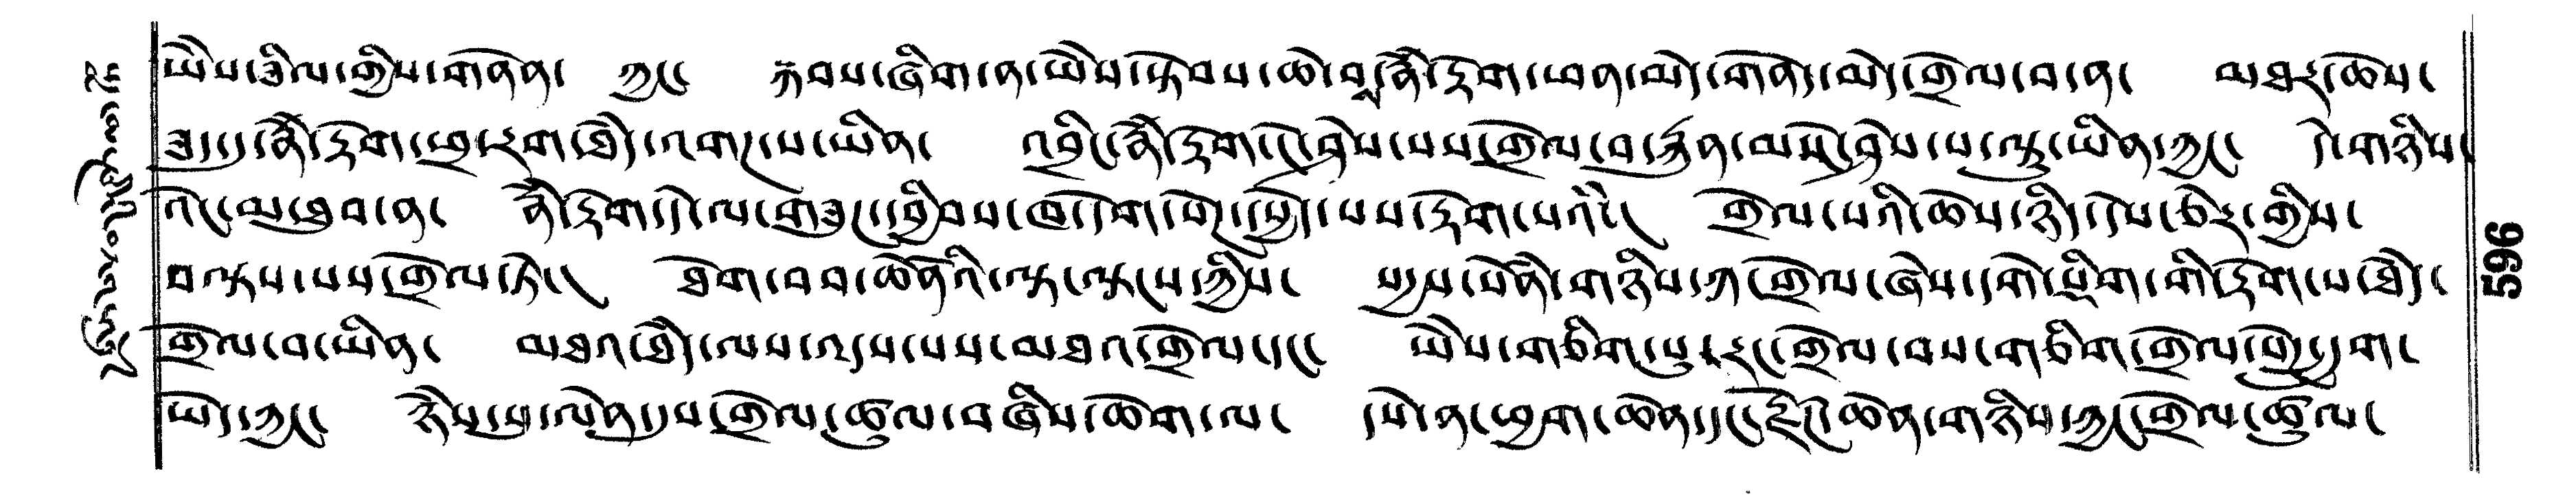ཡེ་ཤེས་ཟིལ་གྱིས་གནོན་ཀྱང་། སྐབས་ཞིག་ན་ཡེ་ཤེས་སྟོབས་ཆེ་བས་རྣམ་རྟོག་ཕན་མེད་གནོད་མེད་དུ་གྲོལ་བ་ན། མཐར་ཆོས་
ཟད་དུ་རྣམ་རྟོག་ཕྲ་རགས་ཐམས་ཅད་འགགས་པ་ཡིན།འབྲིང་རྣམ་རྟོག་ངོ་ཤེས་པས་གྲོལ་བ་རྐུན་མ་ངོ་ཤེས་པ་ལྟ་བུ་ཡིན་ཀྱང་། དེ་གཉིས་
འོང་མ་ཐུབ་ན། རྣམ་རྟོག་དེ་ལ་གཟུགས་དབྱིབས་ཁ་དོག་སོགས་དཔྱད་པས་རྟོག་པའམ། གྲོལ་པའི་ཆོས་ཉིད་དེས་ཅེར་གྱི་
བལྟས་པས་གྲོལ་ཏེ། ཐོག་བབས་ཆེན་པོའི་ལྟ་ལྟངས་ཀྱིས། །སངས་རྒྱས་སེམས་ཅན་གཉིས་ཀ་གྲོལ། ཞེས་དགེ་སྡིག་གི་རྟོག་པ་ཐམས་ཅད་
གྲོལ་བ་ཡིན། མཐའ་ཐམས་ཅད་ལས་འདས་པས་མཐའ་གྲོལ་དང་། ཡེ་ཤེས་གཅིག་པུ་རང་གྲོལ་བས་གཅིག་གྲོལ་སོགས་དྲུག་
ཡོད་ཀྱང་། ཉམས་སུ་ལེན་དུས་གྲོལ་ཚུལ་བཞིས་ཆོག་ལ། དེས་ན་ཕྱག་ཆེན་དང་རྫོགས་ཆེན་གཉིས་ཀྱང་གྲོལ་ཚུལ་